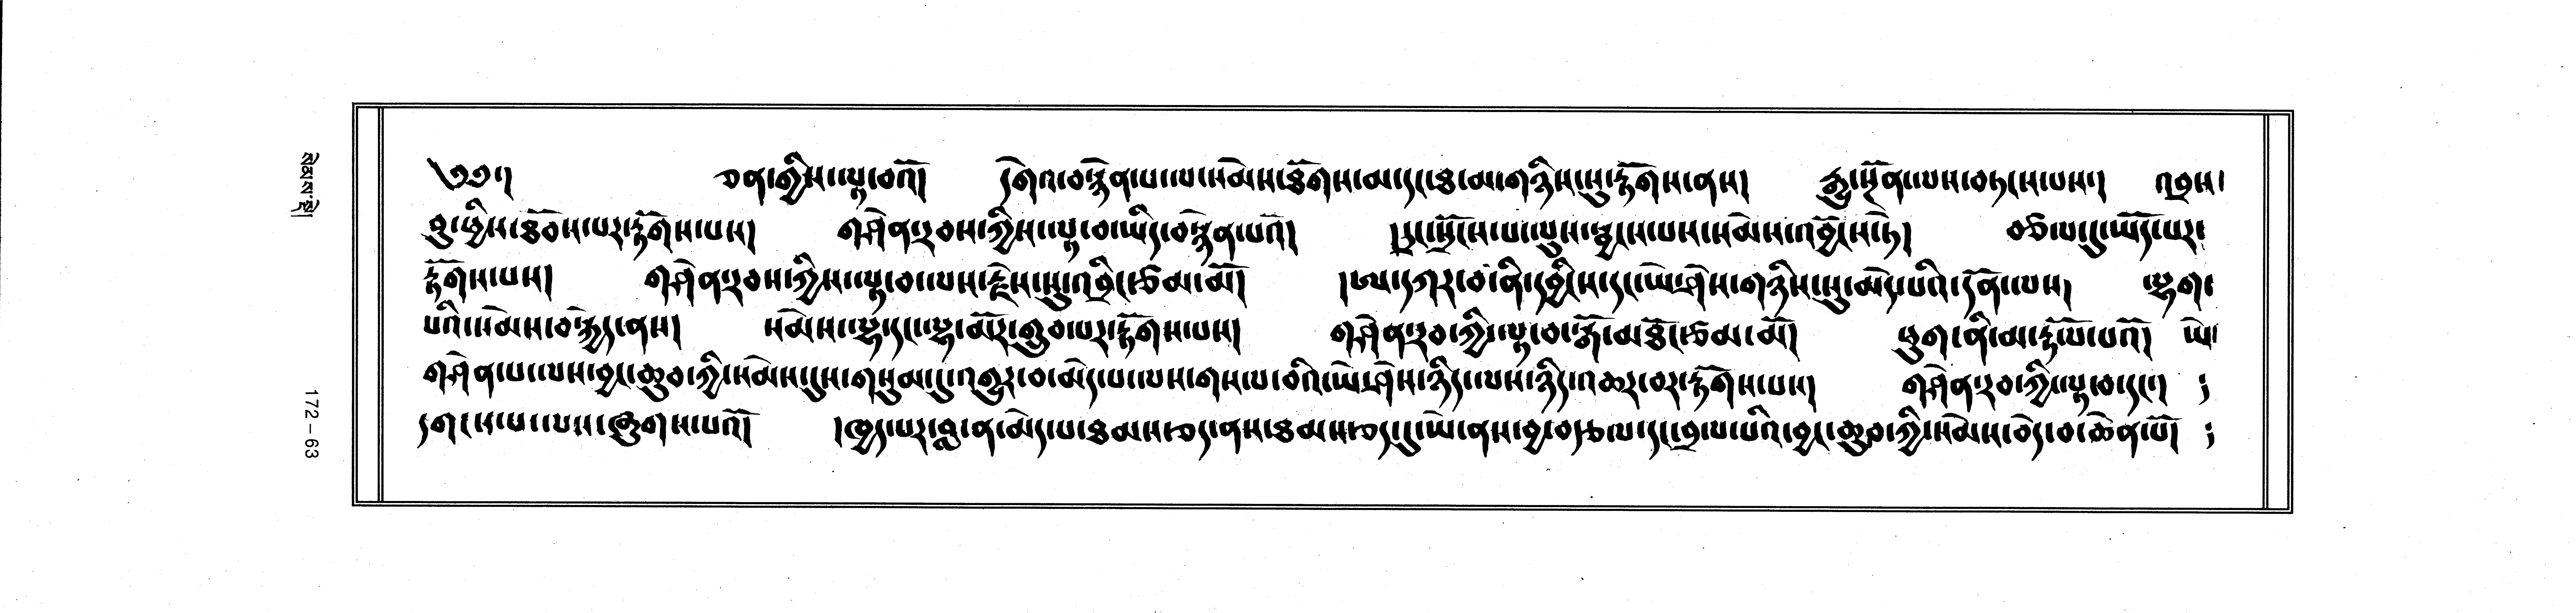ཅན་གྱིས་ལྟ་བའོ། དགེའ་བསྙེན་པ་ལ་སེམས་ཐོགས་མ་དང་ཐ་མ་གཉིས་སུ་རྟོགས་ནས། རྒྱུ་སྔོན་ལས་བཏངས་པས། འབྲས་
བུ་ཕྱིས་ཐོབས་པར་རྟོགས་པས། གཤེན་རབ་ཀྱིས་ལྟ་བ་ཡིད་བསྙེན་པའོ། དྲང་སྲོངས་པ་ལུས་སྦྱངས་པས་སེམས་འབྱོངས་ཏེ། བཙལ་དུ་ཡོད་པར་
རྟོགས་པས། གཤེན་རབ་ཀྱིས་ལྟ་བ་ལས་རྗེས་སུ་འབྲིང་ཙམ་མོ། ཨ་དཀར་བ་ནི་དབྱིངས་དང་ཡེ་ཤེས་གཉིས་སུ་མེད་པའི་དོན་ལས། ལྷག་
པའི་སེམས་བསྐྱེད་ནས། སེམས་ལྷ་དང་ལྷ་མོར་གྲུབ་པར་རྟོགས་པས། གཤེན་རབ་ཀྱི་ལྟ་བ་སྒོ་མཐོང་ཙམ་མོ། ཕུག་ནི་མ་རྟོལ་པའོ། ཡེ་
གཤེན་པ་ལས་བྱང་ཆུབ་ཀྱི་སེམས་གསུམ་དུ་འགྱུར་བ་མེད་པ་ལས་གསལ་བའི་ཡེ་ཤེས་ཉིད་ལས་ཉིད་འཆར་བར་རྟོགས་པས། གཤེན་རབ་ཀྱི་ལྟ་བ་དང་། 
དགོངས་པ་ལས་ཞུགས་པའོ། ཁྱད་པར་བླ་ན་མེད་པ་ཐམས་ཅད་ནས་ཐམས་ཅད་དུ་ཡེ་ནས་བྱ་བརྩལ་དང་བྲལ་པའི་བྱང་ཆུབ་ཀྱི་སེམས་བདེ་བ་ཆེན་པོ།